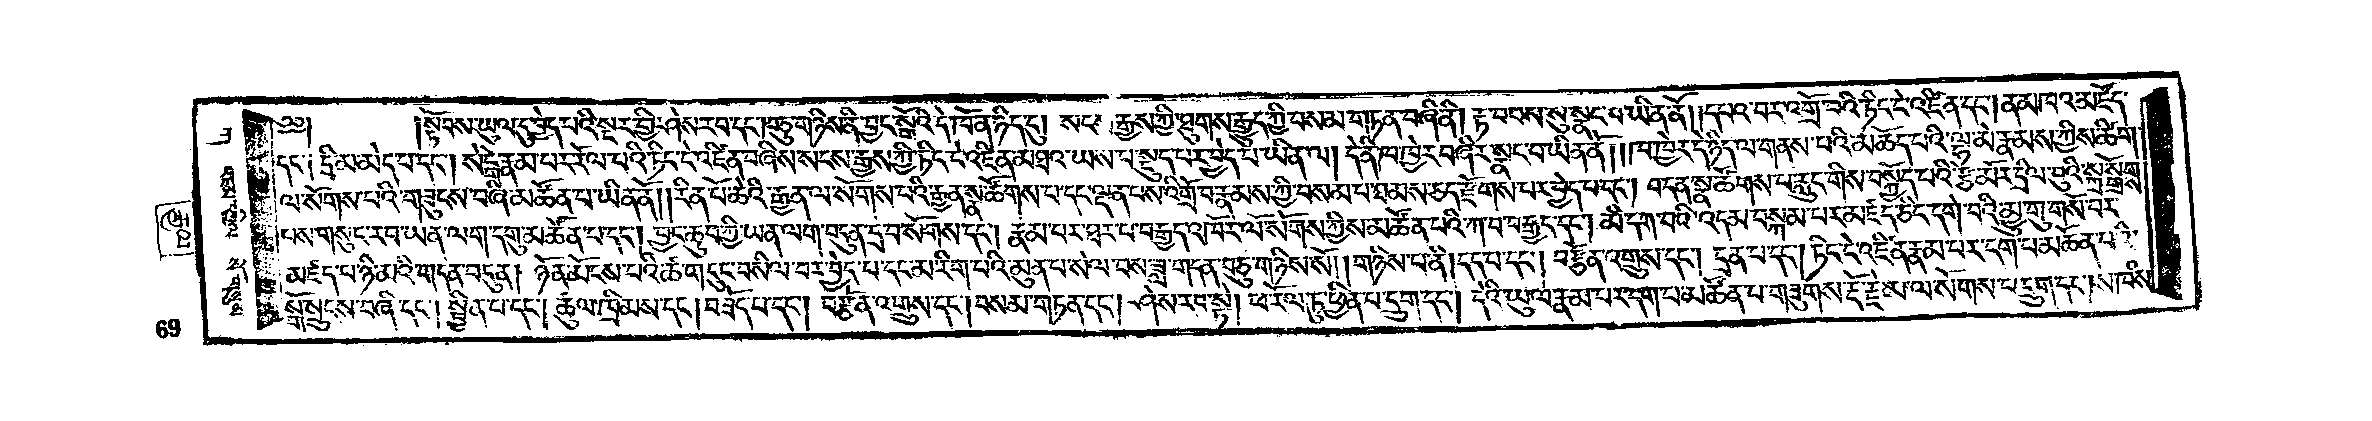༄༅། །སྟོབས་ཡུལ་དུ་བྱེད་པའི་སྔར་བྱི་ཤེས་རབ་དང་། བཅུ་གཉིས་ནི་བྱང་སྒོའི་དེ་ཁོ་ན་ཉིད་དུ། སངས་རྒྱས་ཀྱི་ཐུགས་རྒྱུད་ཀྱི་བསམ་གཏན་བཞི་ནི། རྟ་བབས་སུ་སྣང་བ་ཡིན་ནོ། །དཔའ་བར་འགྲོ་བའི་ཏིང་ངེ་འཛིན་དང་། ནམ་མཁའ་མཛོད་
དང༑ དྲི་མ་མེད་པ་དང་། སེངགེ་རྣམ་པར་རོལ་པའི་ཏིང་ངེ་འཛིན་བཞིས་སངས་རྒྱས་ཀྱི་ཏིང་ངེ་འཛིན་མཐའ་ཡས་པ་སྡུད་པར་བྱེད་པ་ཡིན་ལ། དེ་ནི་ཁ་ཁྱེར་བཞིར་སྣང་བ་ཡིན་ནོ། །ཁ་ཁྱེར་དེ་ཉིད་ལ་གནས་པའི་མཆོད་པའི་ལྷ་མོ་རྣམས་ཀྱིས་ཚིག་
ལ་སོགས་པའི་གཟུངས་བཞི་མཚོན་པ་ཡིན་ནོ། །རིན་པོ་ཆེའི་རྒྱན་ལ་སོགས་པའི་རྒྱན་སྣ་ཚོགས་པ་དང་ལྡན་པས་འགྲོ་བ་རྣམས་ཀྱི་བསམ་པ་ཐམས་ཅད་རྫོགས་པར་བྱེད་པ་དང་། བ་དན་སྣ་ཚོགས་པ་རླུང་གིས་བསྐྱོད་པའི་རྩེ་མོར་དྲིལ་བུའི་སྐྲ་སྒྲོགས་
པས་གསུང་རབ་ཡན་ལག་དགུ་མཚོན་པ་དང་། བྱང་ཆུབ་ཀྱི་ཡན་ལག་བདུན་དྲ་བ་སོགས་དང་། རྣམ་པར་ཐར་པ་བརྒྱད་འཁོར་ལོ་སོགས་ཀྱིས་མཚོན་པའི་ཀ་བ་བརྒྱད་དང་། མི་དག་པའི་འདམ་བསྐམ་པར་མཛད་ཅིང་དགེ་བའི་མྱུ་གུ་གསོ་བར་
མཛད་པ་ཉི་མའི་གདན་བདུན། ཉོན་མོངས་པའི་ཚ་གདུང་བསིལ་བར་བྱེད་པ་དང་མ་རིག་པའི་མུན་པ་སེལ་བས་ཟླ་གདན་བཅུ་གཉིས་སོ། །གཉིས་པ་ནི། དད་པ་དང་། བརྩོན་འགྲུས་དང་། དྲན་པ་དང་། ཏིང་ངེ་འཛིན་རྣམ་པར་དག་པ་མཚོན་པའི་
སྒོ་སྲུངས་བཞི་དང་། སྦྱིན་པ་དང་། ཚུལ་ཁྲིམས་དང་། བཟོད་པ་དང་། བརྩོན་འགྲུས་དང་། བསམ་གཏན་དང་། ཤེས་རབ་སྟེ། ཕ་རོལ་ཏུ་ཕྱིན་པ་དྲུག་དང་། དེའི་ཡུལ་རྣམ་པར་དག་པ་མཚོན་པ་གཟུགས་རྡོ་རྗེ་མ་ལ་སོགས་པ་དྲུག་དང་། ས་ཁམས་